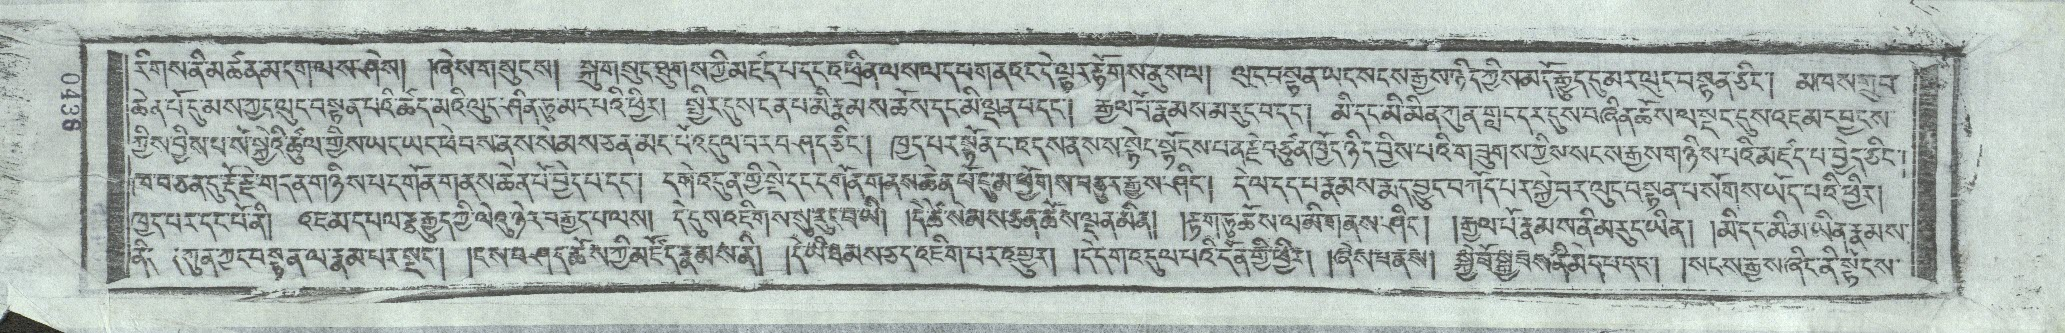རིགས་ནི་མཚན་མ་དག་ལས་ཤེས། །ཞེས་གསུངས། སྐུ་གསུང་ཐུགས་ཀྱི་མཛད་པ་དང་འཕྲིན་ལས་ལ་དཔག་ནའང་དེ་ལྟར་རྟོགས་ནུས་ལ། ལུང་བསྟན་ཡང་སངས་རྒྱས་ཉིད་ཀྱིས་མདོ་རྒྱུད་དུ་མར་ལུང་བསྟན་ཅིང་། མཁས་གྲུབ་
ཆེན་པོ་དུ་མས་ཀྱང་ལུང་བསྟན་པའི་ཚད་མའི་ལུང་ཤིན་ཏུ་མང་པའི་ཕྱིར། སྤྱིར་དུས་ངན་པ་མི་རྣམས་ཆོས་དང་མི་ལྡན་པ་དང་། རྒྱལ་པོ་རྣམས་མ་རུང་བ་དང་། མི་དང་མི་མིན་ཀུན་གླང་དར་དུས་བཞིན་ཆོས་ལ་སྡང་དུས་འཇམ་དབྱངས་
ཀྱིས་བྱིས་པ་སོ་སྐྱེའི་ཚུལ་གྱིས་ཡང་ཡང་ཕེབས་ནས་སེམས་ཅན་མང་པོ་འདུལ་བར་བཤད་ཅིང་། ཁྱད་པར་སྟོན་པ་འདས་ནས་ས་སྟེང་སྟོངས་པ་ན་རྗེ་བཙུན་ཁྱོད་ཉིད་བྱིས་པའི་གཟུགས་ཀྱིས་སངས་རྒྱས་གཉིས་པའི་མཛད་པ་བྱེད་ཅིང་།
ཁ་བ་ཅན་དུ་རྡོ་རྗེ་གདན་གཉིས་པ་དགོན་གནས་ཆེན་པོ་བྱེད་པ་དང་། དགེ་འདུན་གྱི་སྡེ་དང་དགོན་གནས་ཆེན་པོ་དུ་མ་ཕྱོགས་བཅུར་རྒྱས་ཤིང་། དེ་ལ་དད་པ་རྣམས་རྨད་བྱུང་བཀོད་པར་སྐྱེ་བར་ལུང་བསྟན་པ་སོགས་ཡོད་པའི་ཕྱིར།
ཁྱད་པར་དང་པོ་ནི། འཇམ་དཔལ་རྩ་རྒྱུད་ཀྱི་ལེའུ་ཉེར་བརྒྱད་པ་ལས། དེ་དུས་འཇིགས་སུ་རུང་བ་ཡི། །དེ་ཚེ་སེམས་ཅན་ཆོས་ལྡན་མིན། །རྟག་ཏུ་ཆོས་ལ་མི་གནས་ཤིང་། །རྒྱལ་པོ་རྣམས་ནི་མ་རུང་ཡིན། །མི་དང་མི་མ་ཡིན་རྣམས་
ནི༑ ༑ཀུན་ཀྱང་བསྟན་ལ་རྣམ་པར་སྡང་། །ངས་བཤད་ཆོས་ཀྱི་མཛོད་རྣམས་ནི། །དེ་ཡི་ཐམས་ཅད་འཇིག་པར་འགྱུར། །དེ་དག་འདུལ་བའི་དོན་གྱི་ཕྱིར། །ཞེས་པ་ནས། སྐྱེ་བོ་སྐྱབས་ནི་མེད་པ་དང་། །སངས་རྒྱས་ཞིང་ནི་སྟེངས་